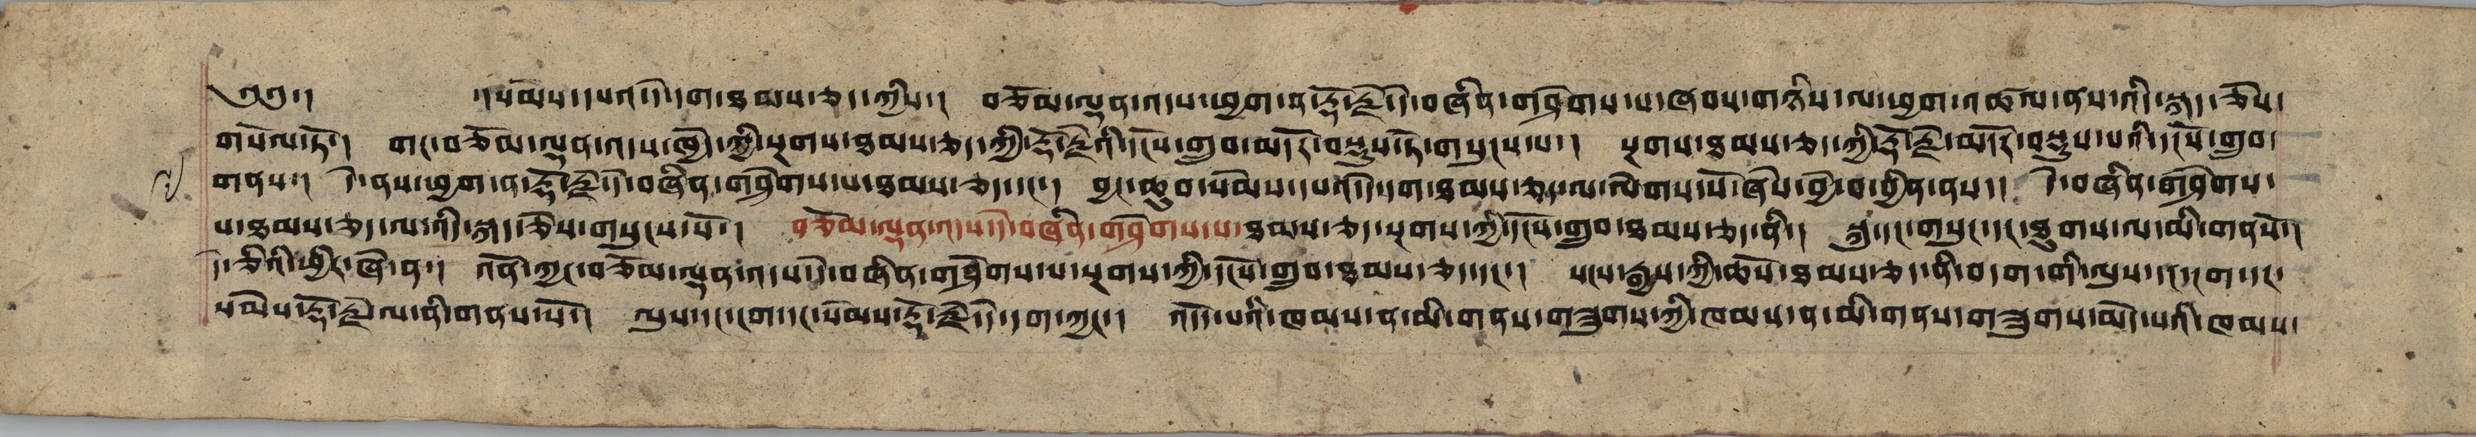༄༅་། ་།སེམས་དཔའ་དེ་དག་ཐམས་ཅད་ཀྱིས་། བཅོམ་ལྡན་འདས་ཕྱག་ན་རྡོ་རྗེ་དེ་བཞིན་གཤེགས་པ་ཞབས་གཉིས་ལ་ཕྱག་འཚལ་ནས་འདི་སྐད་ཅེས་
གསོལ་ཏོ་། གང་བཅོམ་ལྡན་འདས་ཁྱེད་ཀྱི་སྔགས་ཐམས་ཅད་ཀྱི་རྡོ་རྗེའི་དངོས་གྲུབ་མདོར་བསྡུས་ཏེ་གསུངས་པ་། སྔགས་ཐམས་ཅད་ཀྱི་རྡོ་རྗེ་མདོར་བསྡུས་པའི་དངོས་གྲུབ་
གནས་། དེ་ནས་ཕྱག་ན་རྡོ་རྗེ་དེ་བཞིན་གཤེགས་པ་ཐམས་ཅད་དང་། བྱང་ཆུབ་སེམས་དཔའ་དེ་དག་ཐམས་ཅད་ལེགས་སོ་ཞེས་བྱེ་བ་བྱིན་ནས་། དེ་བཞིན་གཤེགས་
པ་ཐམས་ཅད་ལ་འདི་སྐད་ཅེས་གསུངས་སོ་། བཅོམ་ལྡན་འདས་དེ་བཞིན་གཤེགས་པ་ཐམས་ཅད་སྔགས་ཀྱི་དངོས་གྲུབ་ཐམས་ཅད་ནི་། སྐུ་དང་གསུང་དང་ཐུགས་ལ་མི་གནསོ་།
དེ་ཅིའི་ཕྱིར་ཞེ་ན་། འོན་ཀྱང་བཅོམ་ལྡན་འདས་དེ་བཞིན་གཤེགས་པ་སྔགས་ཀྱི་དངོས་གྲུབ་ཐམས་ཅད་དང་་། སངས་རྒྱས་ཀྱི་ཆོས་ཐམས་ཅད་ནི་བདག་གི་ལུས་དང་ངག་དང་
སེམས་རྡོ་རྗེ་ལ་ནི་གནས་སོ་། ལུས་དང་ངག་དང་སེམས་རྡོ་རྗེ་དེ་དག་ཀྱ་། འོདད་པའི་ཁམས་ན་མི་གནས་གཟུགས་ཀྱི་ཁམས་ན་མི་གནས་གཟུགས་མེད་པའི་ཁམས་